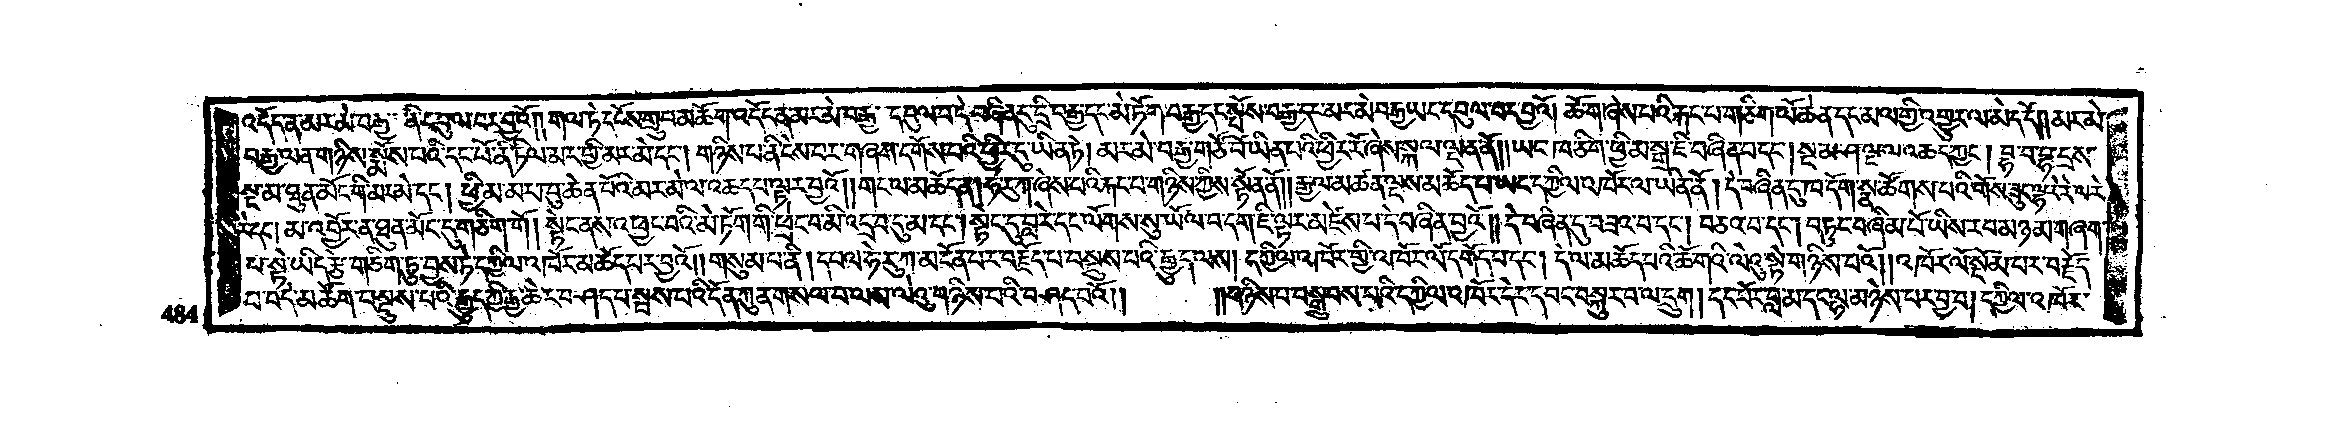འདོད་ན་མར་མེ་བརྒྱ་ནི་དབུལ་བར་བྱའོ། །གལ་ཏེ་དངོས་གྲུབ་མཆོག་འདོད་ན་མར་མེ་བརྒྱ་དབུལ་བ་དེ་བཞིན་དུ་དྲི་བརྒྱ་དང་མེ་ཏོག་བརྒྱ་དང་སྤོས་བརྒྱ་དང་མར་མེ་བརྒྱ་ཡང་དབུལ་བར་བྱའོ། །ཆོ་ག་ཞེས་པའི་རྐང་པ་གཅིག་ལོ་ཆེན་དང་མལ་གྱི་འགྱུར་ལ་མེད་དོ། །མར་མེ་
བརྒྱ་ལན་གཉིས་སྨོས་པའི་དང་པོ་ནི་ཏིལ་མར་གྱི་མར་མེ་དང་།གཉིས་པ་ནི་ངེས་པར་གཞག་དགོས་པའི་ཕྱིར་དུ་ཡིན་ཏེ། མར་མེ་བརྒྱ་གཙོ་བོ་ཡིན་པའི་ཕྱིར་རོ་ཞེས་སྐལ་ལྡན་ནོ། །ཡང་ཁ་ཅིག་ཕྱི་མ་སྒྲ་ཇི་བཞིན་པ་དང་། སྔ་མ་ཤ་ལྔ་ལ་འཆད་ཀྱང་།བྷ་བ་བྷ་དྲས་
སྔ་མ་ཐུན་མོང་གི་མར་མེ་དང་། ཕྱི་མ་མར་ཁུ་ཆེན་པོའི་མར་མེ་ལ་འཆད་པ་ལྟར་བྱའོ། །གང་ལ་མཆོད་ན། ཧེ་རུ་ཀ་ཞེས་པའི་རྐང་པ་གཉིས་ཀྱིས་སྟོན་ནོ། །རྒྱལ་མཚན་ལྔས་མཆོད་པ་ཡང་དཀྱིལ་འཁོར་ལ་ཡིན་ནོ། དེ་བཞིན་དུ་ཁ་དོག་སྣ་ཚོགས་པའི་གོས་ཟུང་ལྷ་རེ་རེ་ལ་རེ་
རེ་དང་། མ་འབྱོར་ན་ཐུན་མོང་དུ་གཅིག་གོ །སྟེང་ནས་འཕྱང་བའི་མེ་ཏོག་གི་ཕྲེང་བ་མི་འདྲ་བ་དུ་མ་དང་། སྟེང་དུ་བླ་རེ་དང་ལོགས་སུ་ཡོལ་བ་དག་ཇི་ལྟར་མཛེས་པ་དེ་བཞིན་བྱའོ། །དེ་བཞིན་དུ་བཟའ་བ་དང་། བཅའ་བ་དང་།བཏུང་བ་ཞིམ་པོ་ཡིས་རབ་མཉམ་གཞག་
པ་སྟེ་ཡིད་རྩེ་གཅིག་ཏུ་བྱས་ཏེ་དཀྱིལ་འཁོར་མཆོད་པར་བྱའོ། །གསུམ་པ་ནི། དཔལ་ཧེ་རུ་ཀ་མངོན་པར་བརྗོད་པ་བསྡུས་པའི་རྒྱུད་ལས། དཀྱིལ་འཁོར་གྱི་འཁོར་ལོ་དགོད་པ་དང་། དེ་ལ་མཆོད་པའི་ཆོ་གའི་ལེའུ་སྟེ་གཉིས་པའོ། །འཁོར་ལོ་སྡོམ་པར་བརྗོད་
པ་བདེ་མཆོག་བསྡུས་པའི་རྒྱུད་ཀྱི་རྒྱ་ཆེར་བཤད་པ་སྦས་པའི་དོན་ཀུན་གསལ་བ་ལས་ལེའུ་གཉིས་པའི་བཤད་པའོ།། །།གཉིས་པ་བསྒྲུབས་པའི་དཀྱིལ་འཁོར་དེར་དབང་བསྐུར་བ་ལ་དྲུག །དང་པོར་བླ་མ་དང་ལྷ་མཉེས་པར་བྱ་བ། དཀྱིལ་འཁོར་